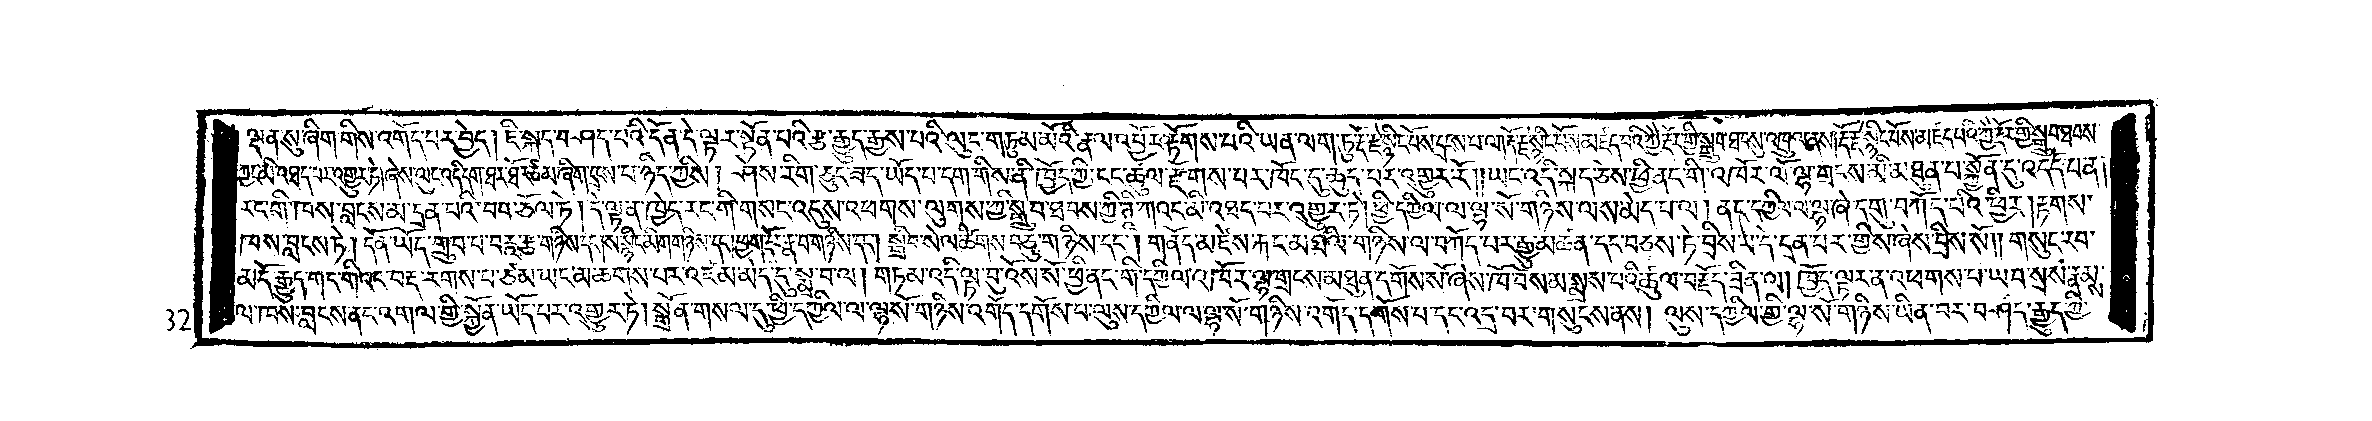ལྡན་སུ་ཞིག་གིས་འགོད་པར་བྱེད། ཇི་སྐད་བཤད་པའི་དོན་དེ་ལྟར་སྟོན་པའི་རྩ་རྒྱུད་རྒྱས་པའི་ལུང་གཏུམ་མོའི་རྣལ་འབྱོར་རྟོགས་པའི་ཡན་ལག་ཏུ་རྡོ་རྗེ་སྙིང་པོས་དྲངས་པ་ལ། རྡོ་རྗེ་སྙིང་པོས་མཛད་པའི་ཀྱཻ་རྡོར་གྱི་སྒྲུབ་ཐབ་སུ་འཁྲུལ་ནས། རྡོ་རྗེ་སྙིང་པོས་མཛད་པའི་ཀྱཻ་རྡོར་གྱི་སྒྲུབ་ཐབས་
ཀྱང་མི་འཐད་པར་འགྱུར་ཏེ། ཞེས་ལུང་འདི་དག་ཐར་ཐོར་ཙམ་ཞིག་དྲངས་པ་ཉིད་ཀྱིས། ཤེས་རིག་ཅུང་ཟད་ཡོད་པ་དག་གིས་ནི་ཁྱོད་ཀྱི་ངང་ཚུལ་རྫོགས་པར་ཁོང་དུ་ཆུད་པར་འགྱུར་རོ། །ཡང་འདི་སྐད་ཅེས་ཕྱི་ནང་གི་འཁོར་ལོ་ལྷ་གངས་མི་མཐུན་པ་སྐྱོན་དུ་འདོད་པ་ན།
རང་གི་ཁས་བླངས་མ་དྲན་པའི་བབ་ཅོལ་ཏེ། དེ་ལྟ་ན་ཁྱེད་རང་གི་གསང་འདུས་འཕགས་ལུགས་ཀྱི་སྒྲུབ་ཐབས་ཀྱི་ཊཱི་ཀའང་མི་འཐད་པར་འགྱུར་ཏེ། ཕྱི་དཀྱིལ་ལ་ལྷ་སོ་གཉིས་ལས་མེད་པ་ལ། ནང་དཀྱིལ་ལ་ལྷ་ཞེ་དགུ་བཀོད་པའི་ཕྱིར། རྟགས་
ཁས་བླངས་ཏེ། དོན་ཡོད་གྲུབ་པ་བརླ་རྩ་གཉིས་དང་། ས་སྙིང་མིག་གཉིས་དང་། ཕྱག་རྡོར་རྣ་བ་གཉིས་དང་། སྒྲིབ་སེལ་ཚིགས་བཅུ་གཉིས་དང་། གནོད་མཛེས་རྐང་མཐིལ་གཉིས་ལ་བཀོད་པར་རྒྱུ་མཚན་དང་བཅས་ཏེ་བྲིས་པ་དེ་དྲན་པར་གྱིས་ཞེས་བྲིས་སོ། །གསུང་རབ་
མདོ་རྒྱུད་གང་གིའང་བརྡ་རགས་པ་ཙམ་ཡང་མ་ཆགས་པར་འཇམ་མེད་དུ་སྨྲ་བ་ལ། གཏམ་འདི་ལྟ་བུ་འོས་སོ་ཕྱི་ནང་གི་དཀྱིལ་འཁོར་ལྷ་གྲངས་མཐུན་དགོས་སོ་ཞེས་ཁོ་བོས་མ་སྨྲས་པའི་ཚུལ་བརྗོད་ཟིན་ལ། ཁྱོད་ལྟར་ན་འཕགས་པ་ཡབ་སྲས་རྣམས་
ལ་ཁས་བླངས་ནང་འགལ་གི་སྐྱོན་ཡོད་པར་འགྱུར་ཏེ། སྒྲོན་གསལ་དུ་ཕྱི་དཀྱིལ་ལ་ལྷ་སོ་གཉིས་འགོད་དགོས་པ་ལུས་དཀྱིལ་ལ་ལྷ་སོ་གཉིས་འགོད་དགོས་པ་དང་འདྲ་བར་གསུངས་ནས། ལུས་དཀྱིལ་གྱི་ལྷ་སོ་གཉིས་ཡིན་པར་བཤད་རྒྱུད་ཀྱི་